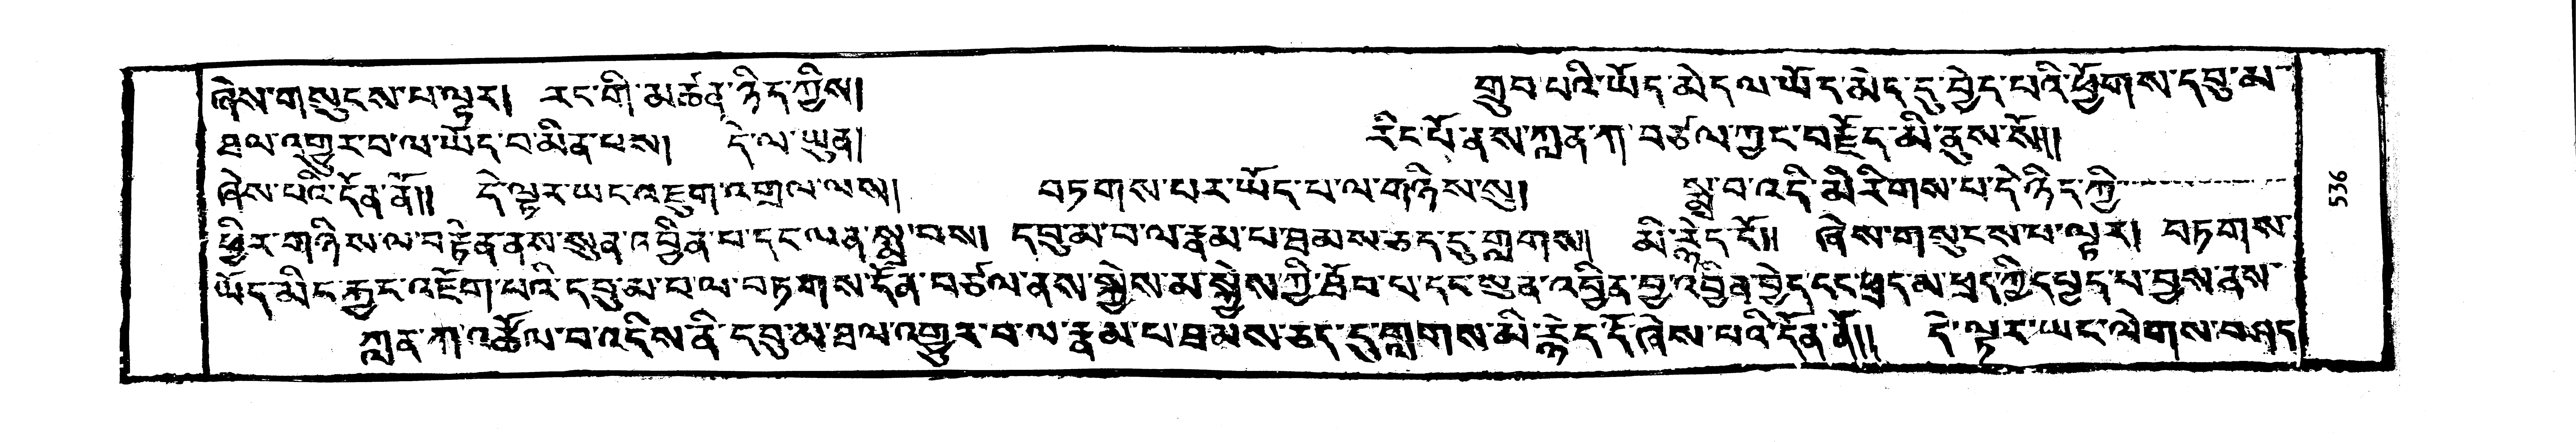ཞེས་གསུངས་པ་ལྟར། རང་གི་མཚན་ཉིད་ཀྱིས། གྲུབ་པའི་ཡོད་མེད་ལ་ཡོད་མེད་དུ་བྱེད་པའི་ཕྱོགས་དབུ་མ་
ཐལ་འགྱུར་བ་ལ་ཡོད་བ་མིན་པས། དེ་ལ་ཡུན། རིང་པོ་ནས་ཀླན་ཀ་བཙལ་ཀྱང་བརྗོད་མི་ནུས་སོ། །
ཞེས་པའི་དོན་ནོ། །དེ་ལྟར་ཡང་འཇུག་འགྲལ་ལས། བཏགས་པར་ཡོད་པ་ལ་གཉིས་སུ། སྨྲ་བ་འདི་མི་རིགས་པ་དེ་ཉིད་ཀྱི་
ཕྱིར་གཉིས་ལ་བརྟེན་ནས་སུན་འབྱིན་པ་དང་ལན་སྨྲ་བས། དབུ་མ་བ་ལ་རྣམ་པ་ཐམས་ཅད་དུ་གླགས། མི་རྙེད་དོ། །ཞེས་གསུངས་པ་ལྟར། བཏགས་
ཡོད་མིང་རྐྱང་འཇོག་པའི་དབུ་མ་པ་ལ་བཏགས་དོན་བཙལ་ནས་སྐྱེས་མ་སྐྱེས་ཀྱི་ཐོབ་པ་དང་སུན་འབྱིན་བྱ་འབྱིན་བྱེད་དང་ཕྲད་མ་ཕྲད་ཀྱི་དཔྱད་པ་བྱས་ནས་
ཀླན་ཀ་འཚོལ་བ་འདིས་ནི་དབུ་མ་ཐལ་འགྱུར་བ་ལ་རྣམ་པ་ཐམས་ཅད་དུ་གླགས་མི་རྙེད་དོ་ཞེས་པའི་དོན་ནོ། །དེ་ལྟར་ཡང་ལེགས་བཤད་